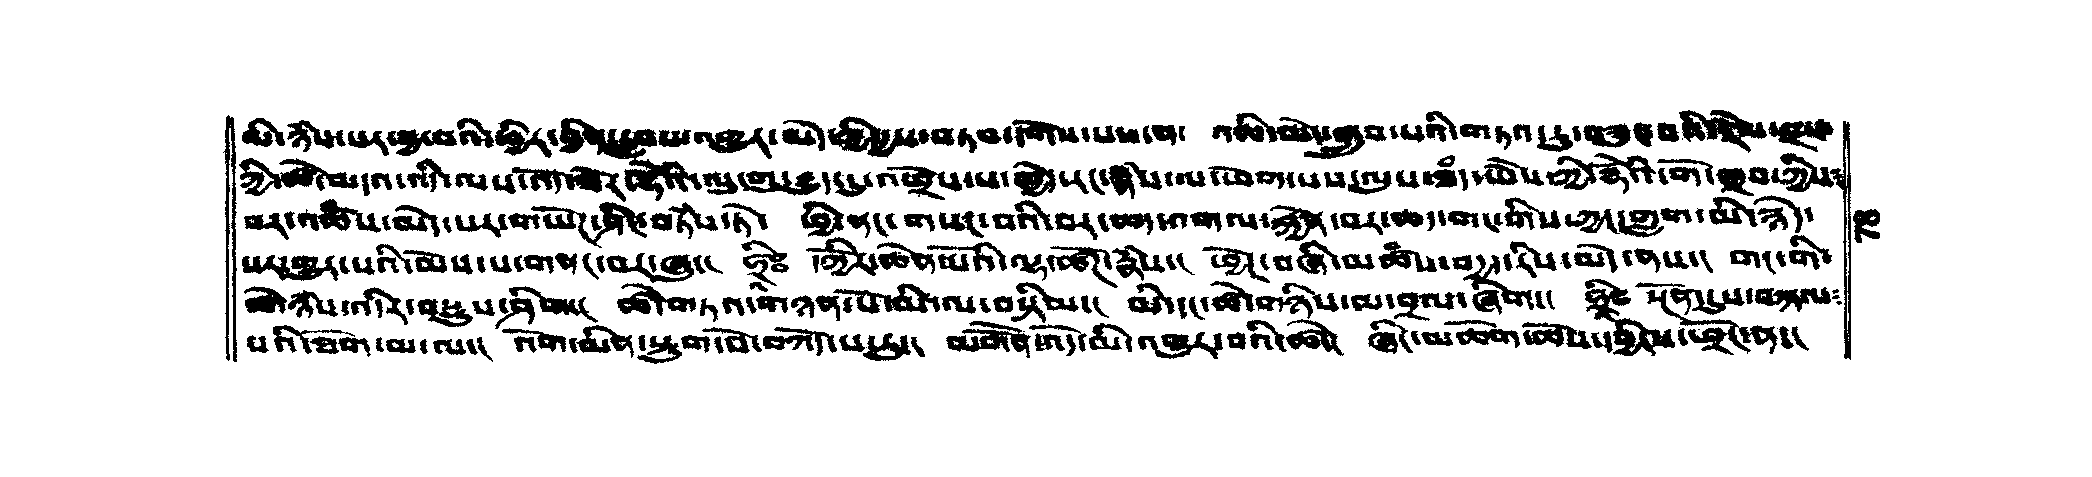མི་ཉམས་པར་བྱ་བའི་ཕྱིར་བྱིན་རླབས་འགྱུར་མེད་ཀྱི་རྒྱས་བཏབ་དགོས་པས་ན། འཆི་མེད་གྲུབ་པའི་གཏའ་རུ་བཟུང་བའི་རྗེས་རྫས་
ཀྱི་ཚེ་མདའ་འདི་ལས་འོད་ཟེར་རྡོ་རྗེའི་ལུ་གུ་རྒྱུད་དུ་འཕྲོས་པ་ཁྱེད་རང་རྣམས་ལ་ཕོག་པས་ལུས་ཐམས་ཅད་ཡེ་ཤེས་ཀྱི་རྡོ་རྗེའི་གོ་ཁྲབ་ཀྱིས་
བར་འཚམས་མེད་པར་གཡོགས་ཤིག་བཏམས་ཏེ།ཕྱི་ནང་གསང་བའི་བར་ཆད་འགལ་རྐྱེན་བར་ཆད་གང་གིས་ཀྱང་གླག་མི་སྙེད་
པར་གྱུར་པའི་མོས་པ་གནང་བར་ཞུ། ཧྲཱིཿ དཀྱིལ་འཁོར་ཆེན་མོའི་ལྷ་ཚོགས་རྣམས། ཕྱོགས་བཞི་མཚམས་བརྒྱད་རིས་མེད་ནས་གང་གི་
ཚེ་ཉམས་འདིར་བསྡུས་ཤིག ཚེ་གཏའ་གཉན་པོ་མི་ལ་བསྟིམ། མི་དང་ཚེ་གཉིས་ཀམ་བྲལ་ཞིག ཧྲཱིཿ སྔོན་དུས་བསྐལ་
པའི་ཐོག་མ་ལ། འོགན་མིན་སྡུག་བོད་བཀོད་པ་རུ། མགོན་པོ་འོད་མི་འགྱུར་བའི་ཚེ། ཞིང་མཆོག་ཆོས་དབྱིངས་ཕོ་བྲང་ནང་